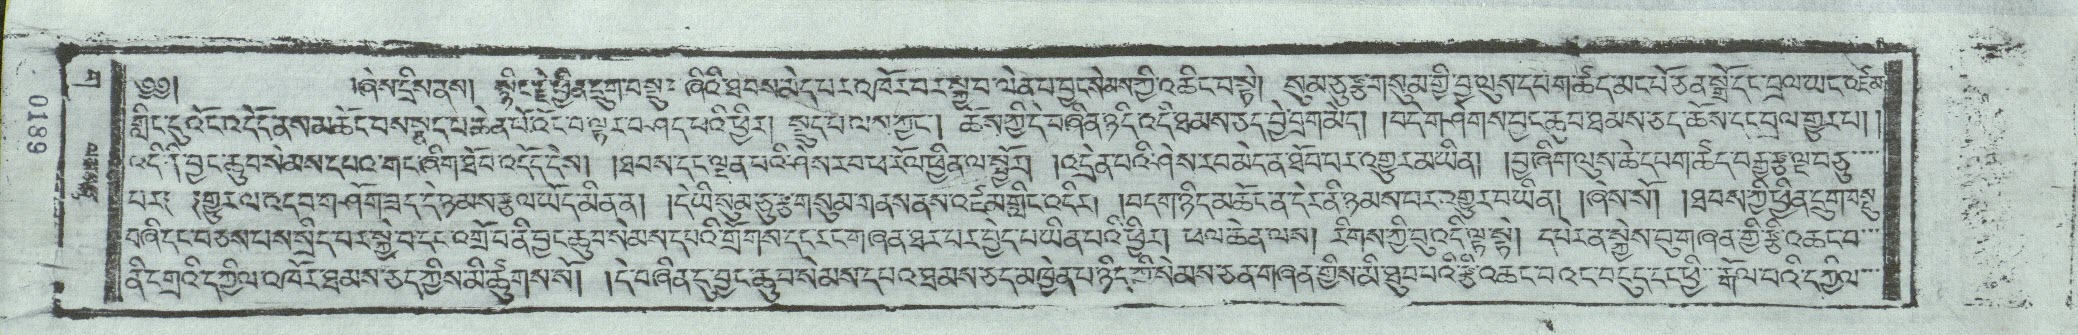༄༅། །ཞེས་དྲིས་ནས། སྙིང་རྗེ་ཕྱིན་དྲུག་བསྡུ་བཞིའི་ཐབས་མེད་པར་འཁོར་བར་སྐྱ་བ་ལེན་པ་བྱང་སེམས་ཀྱི་འཆིང་བ་སྟེ། སུམ་ཅུ་རྩ་གསུམ་གྱི་བྱ་ལུས་དཔག་ཚད་མང་པོ་ཅན་སྒྲོ་དང་བྲལ་ཡང་འཛམ་
གླིང་དུ་འོང་འདོད་ནས་མཆོད་པས་སྣད་པ་ཆེན་པོ་འོང་བ་ལྟར་བཤད་པའི་ཕྱིར། སྡུད་པ་ལས་ཀྱང་། ཆོས་ཀྱི་དེ་བཞིན་ཉིད་འདི་ཐམས་ཅད་བྱེ་བྲག་མེད། །བདེ་གཤེགས་བྱང་ཆུབ་ཐམས་ཅད་ཆོས་དང་བྲལ་གྱུར་པ། །
འདི་ནི་བྱང་ཆུབ་སེམས་དཔའ་གང་ཞིག་ཐོབ་འདོད་དེས། །ཐབས་དང་ལྡན་པའི་ཤེས་རབ་ཕ་རོལ་ཕྱིན་ལ་སྦྱོར། །འདྲེན་པའི་ཤེས་རབ་མེད་ན་ཐོབ་པར་འགྱུར་མ་ཡིན། །བྱ་ཞིག་ལུས་ཆེ་དཔག་ཚད་བརྒྱ་རྩ་ལྔ་བཅུ་
པར༑ ༑གྱུར་ལ་འདབ་གཤོག་ཟད་དེ་ཉམས་རྩལ་ཡོད་མིན་ན། །དེ་ཡི་སུམ་ཅུ་རྩ་གསུམ་གནས་ནས་འཛམ་གླིང་འདིར། །བདག་ཉིད་མཆོད་ན་དེར་ནི་ཉམས་པར་འགྱུར་བ་ཡིན། །ཞེས་སོ། །ཐབས་ཀྱི་ཕྱིན་དྲུག་བསྡུ་
བཞི་དང་བཅས་པས་སྲིད་པར་སྐྱེ་བ་དང་འགྲོ་བ་ནི་བྱང་ཆུབ་སེམས་དཔའི་གྲོགས་དང་རང་གཞན་ཐར་པར་བྱེད་པ་ཡིན་པའི་ཕྱིར། ཕལ་ཆེན་ལས། རིགས་ཀྱི་བུ་འདི་ལྟ་སྟེ། དཔེར་ན་སྐྱེས་བུ་གཞན་གྱི་རྩི་འཆང་བ་
ནི་དགྲའི་དཀྱིལ་འཁོར་ཐམས་ཅད་ཀྱིས་མི་ཚུགས་སོ། །དེ་བཞིན་དུ་བྱང་ཆུབ་སེམས་དཔའ་ཐམས་ཅད་མཁྱེན་པ་ཉིད་ཀྱི་སེམས་ཅན་གཞན་གྱིས་མི་ཐུབ་པའི་རྩི་འཆང་བའང་བདུད་དང་ཕྱི་རྒོལ་བའི་དཀྱིལ་